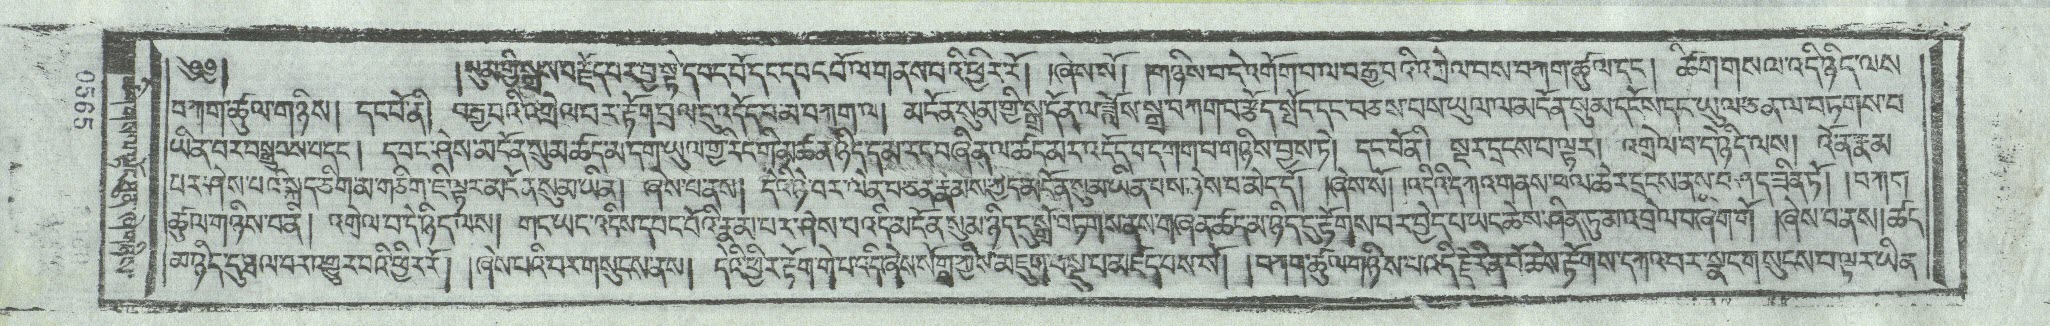༄༅། །སུམ་གྱི་སྒྲས་བརྗོད་པར་བྱ་སྟེ་དབང་པོ་དང་དབང་པོ་ལ་གནས་པའི་ཕྱིར་རོ། །ཞེས་སོ། །གཉིས་པ་དེ་འགོག་པ་ལ་བརྒྱ་བའི་འགྲེལ་བས་བཀག་ཚུལ་དང་། ཚིག་གསལ་འདི་ཉིད་ལས་
བཀག་ཚུལ་གཉིས། དང་པོ་ནི། བརྒྱ་བའི་འགྲེལ་བར་རྟོག་བྲལ་དུ་འདོད་པ་མ་བཀག་ལ། མངོན་སུམ་གྱི་སྒྲ་དོན་ལ་ཟློས་སྒྲ་བཀག་པ་རྩོད་སྤོང་དང་བཅས་པས་ཡུལ་ལ་མངོན་སུམ་དངོས་དང་ཡུལ་ཅན་ལ་བཏགས་པ་
ཡིན་པར་བསྒྲུབས་པ་དང་། དབང་ཤེས་མངོན་སུམ་ཚད་མ་དག་ཡུལ་གྱི་རིང་གི་མཚན་ཉིད་དམ་རང་བཞིན་ལ་ཚད་མར་འདོད་པ་དགག་པ་གཉིས་བྱས་ཏེ། དང་པོ་ནི། སྔར་དྲངས་པ་ལྟར། འགྲེལ་བ་དེ་ཉིད་ལས། འོ་ན་རྣམ་
པར་ཤེས་པའི་སྐད་ཅིག་མ་གཅིག་ཇི་ལྟར་མངོན་སུམ་ཡིན། ཞེས་པ་ནས། དེའི་ཉེ་བར་ལེན་པ་ཅན་རྣམས་ཀྱང་མངོན་སུམ་ཡིན་པས་ཉེས་པ་མེད་དོ། །ཞེས་སོ། །འདིའི་དཀའ་གནས་ཕལ་ཆེར་དྲངས་ནས་བཤད་ཟིན་ཏོ། །བཀག་
ཚུལ་གཉིས་པ་ནི། འགྲེལ་བ་དེ་ཉིད་ལས། གང་ཡང་འདིས་དབང་པོའི་རྣམ་པར་ཤེས་པ་འདི་མངོན་སུམ་ཉིད་དུ་སྒྲོ་བཏགས་ནས་གཞན་ཚད་མ་ཉིད་དུ་རྟོགས་པར་བྱེད་པ་ཡང་ཆེས་ཤིན་ཏུ་མ་འབྲེལ་བ་ཞིག་གོ །ཞེས་པ་ནས། ཚད་
མ་ཉིད་དུ་ཐལ་བར་འགྱུར་བའི་ཕྱིར་རོ། །ཞེས་པའི་བར་གསུངས་ནས། དེའི་ཕྱིར་རྟོག་གེ་པ་འདི་ཞེས་སོགས་ཀྱིས་མཇུག་བསྡུ་པ་མཛད་པས་སོ། །བཀག་ཚུལ་གཉིས་པ་འདི་རྗེ་རིན་པོ་ཆེས་རྟོགས་དཀའ་བར་སྣང་གསུངས་པ་ལྟར་ཡིན་